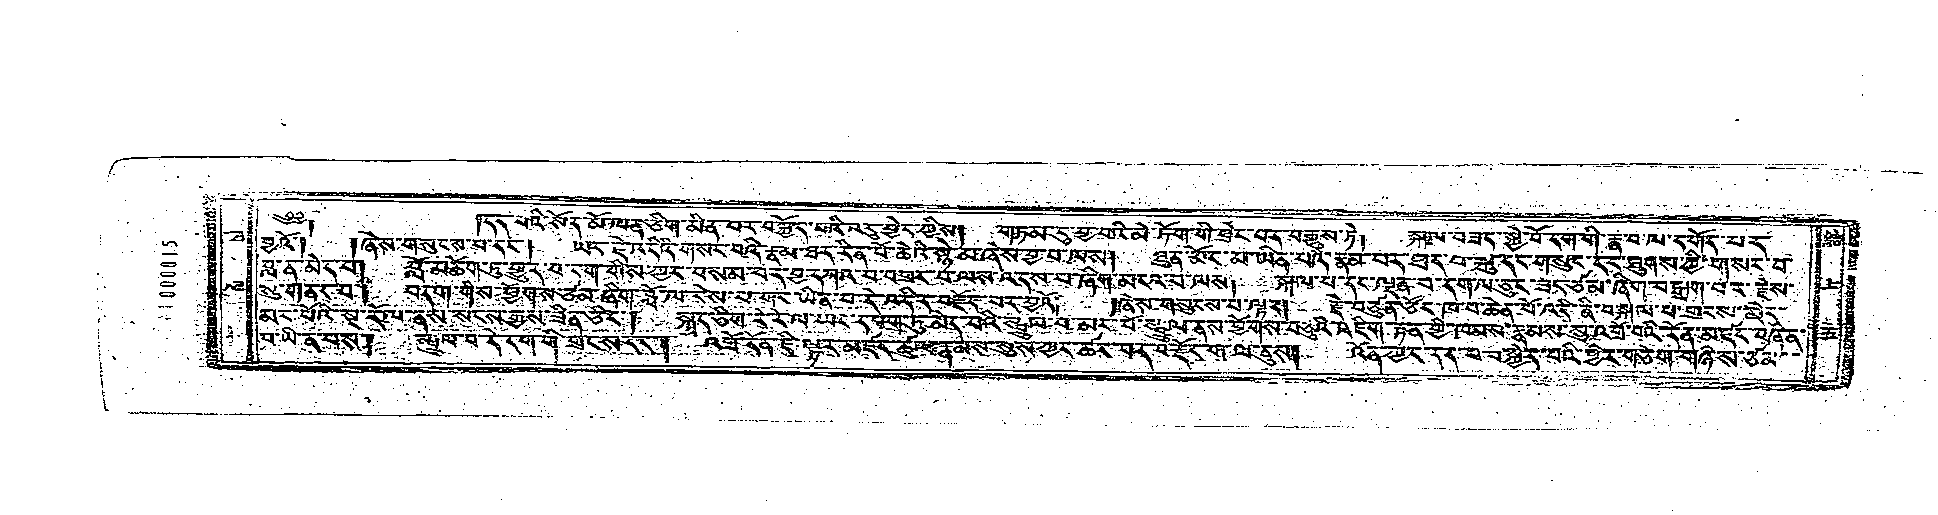༄༅། །དད་པའི་སོར་མོ་ལན་ཅིག་མིན་པར་བསྐྱོད་པའི་འདུ་བྱེད་ཀྱིས། གཏམ་དུ་བྱ་བའི་མེ་ཏོག་གི་ཕྲེང་བར་བརྒྱུས་ཏེ། སྐལ་བཟང་སྐྱེ་བོ་དག་གི་རྣ་བ་ལ་དགོད་པར་
བྱའོ། །ཞེས་གསུངས་པ་དང་། ཡང་རྗེ་འདིའི་གསང་བའི་རྣམ་ཐར་རིན་པོ་ཆེའི་སྙེ་མ་ཞེས་བྱ་བ་ལས། ཐུན་མོང་མ་ཡིན་པའི་རྣམ་པར་ཐར་བ་སྐུ་དང་གསུང་དང་ཐུགས་ཀྱི་གསང་བ་
བླ་ན་མེད་པ། བློ་མཆོག་ཏུ་གྱུར་པ་དག་གིས་ཀྱང་བསམ་བར་བྱ་དཀའ་བ་བགྲང་བ་ལས་འདས་པ་ཞིག་མངའ་བ་ལས། སྐལ་པ་དང་ལྡན་པ་དག་ལ་ཅུང་ཟད་ཙམ་ཞིག་བསྒྲག་བར་རྗེས་
སུ་གནང་བ། བདག་གིས་ཕྱོགས་ཙམ་ཞིག་བློ་ལ་ངེས་པ་གང་ཡིན་པ་དེ་འདིར་བརྗོད་པར་བྱའོ། །ཞེས་གསུངས་པ་ལྟར། རྗེ་བཙུན་ཙོང་ཁ་པ་ཆེན་པོ་འདི་ནི་བསྐལ་པ་གྲངས་མེད་
མང་པོའི་སྔ་རོལ་ནས་སངས་རྒྱས་ཟིན་ཅིང་། སྐད་ཅིག་རེ་རེ་ལ་ཡང་དཔག་ཏུ་མེད་པའི་སྤྲུལ་པ་མང་པོ་སྤྲུལ་ནས་ཕྱོགས་བཅུའི་འཇིག་རྟེན་གྱི་ཁམས་རྣམས་སུ་འགྲོ་བའི་དོན་མཛད་བཞིན་
པ་ཡིན་པས། སྤྲུལ་པ་དེ་དག་གི་གྲངས་དང་། འགྲོ་དོན་ཇི་ལྟར་མཛད་ཚུལ་རྣམས་སུས་ཀྱང་ཚང་བར་བརྗོད་ག་ལ་ནུས། འོན་ཀྱང་དད་པ་བསྐྱེད་པའི་ཕྱིར་གཅིག་གཉིས་ཙམ་